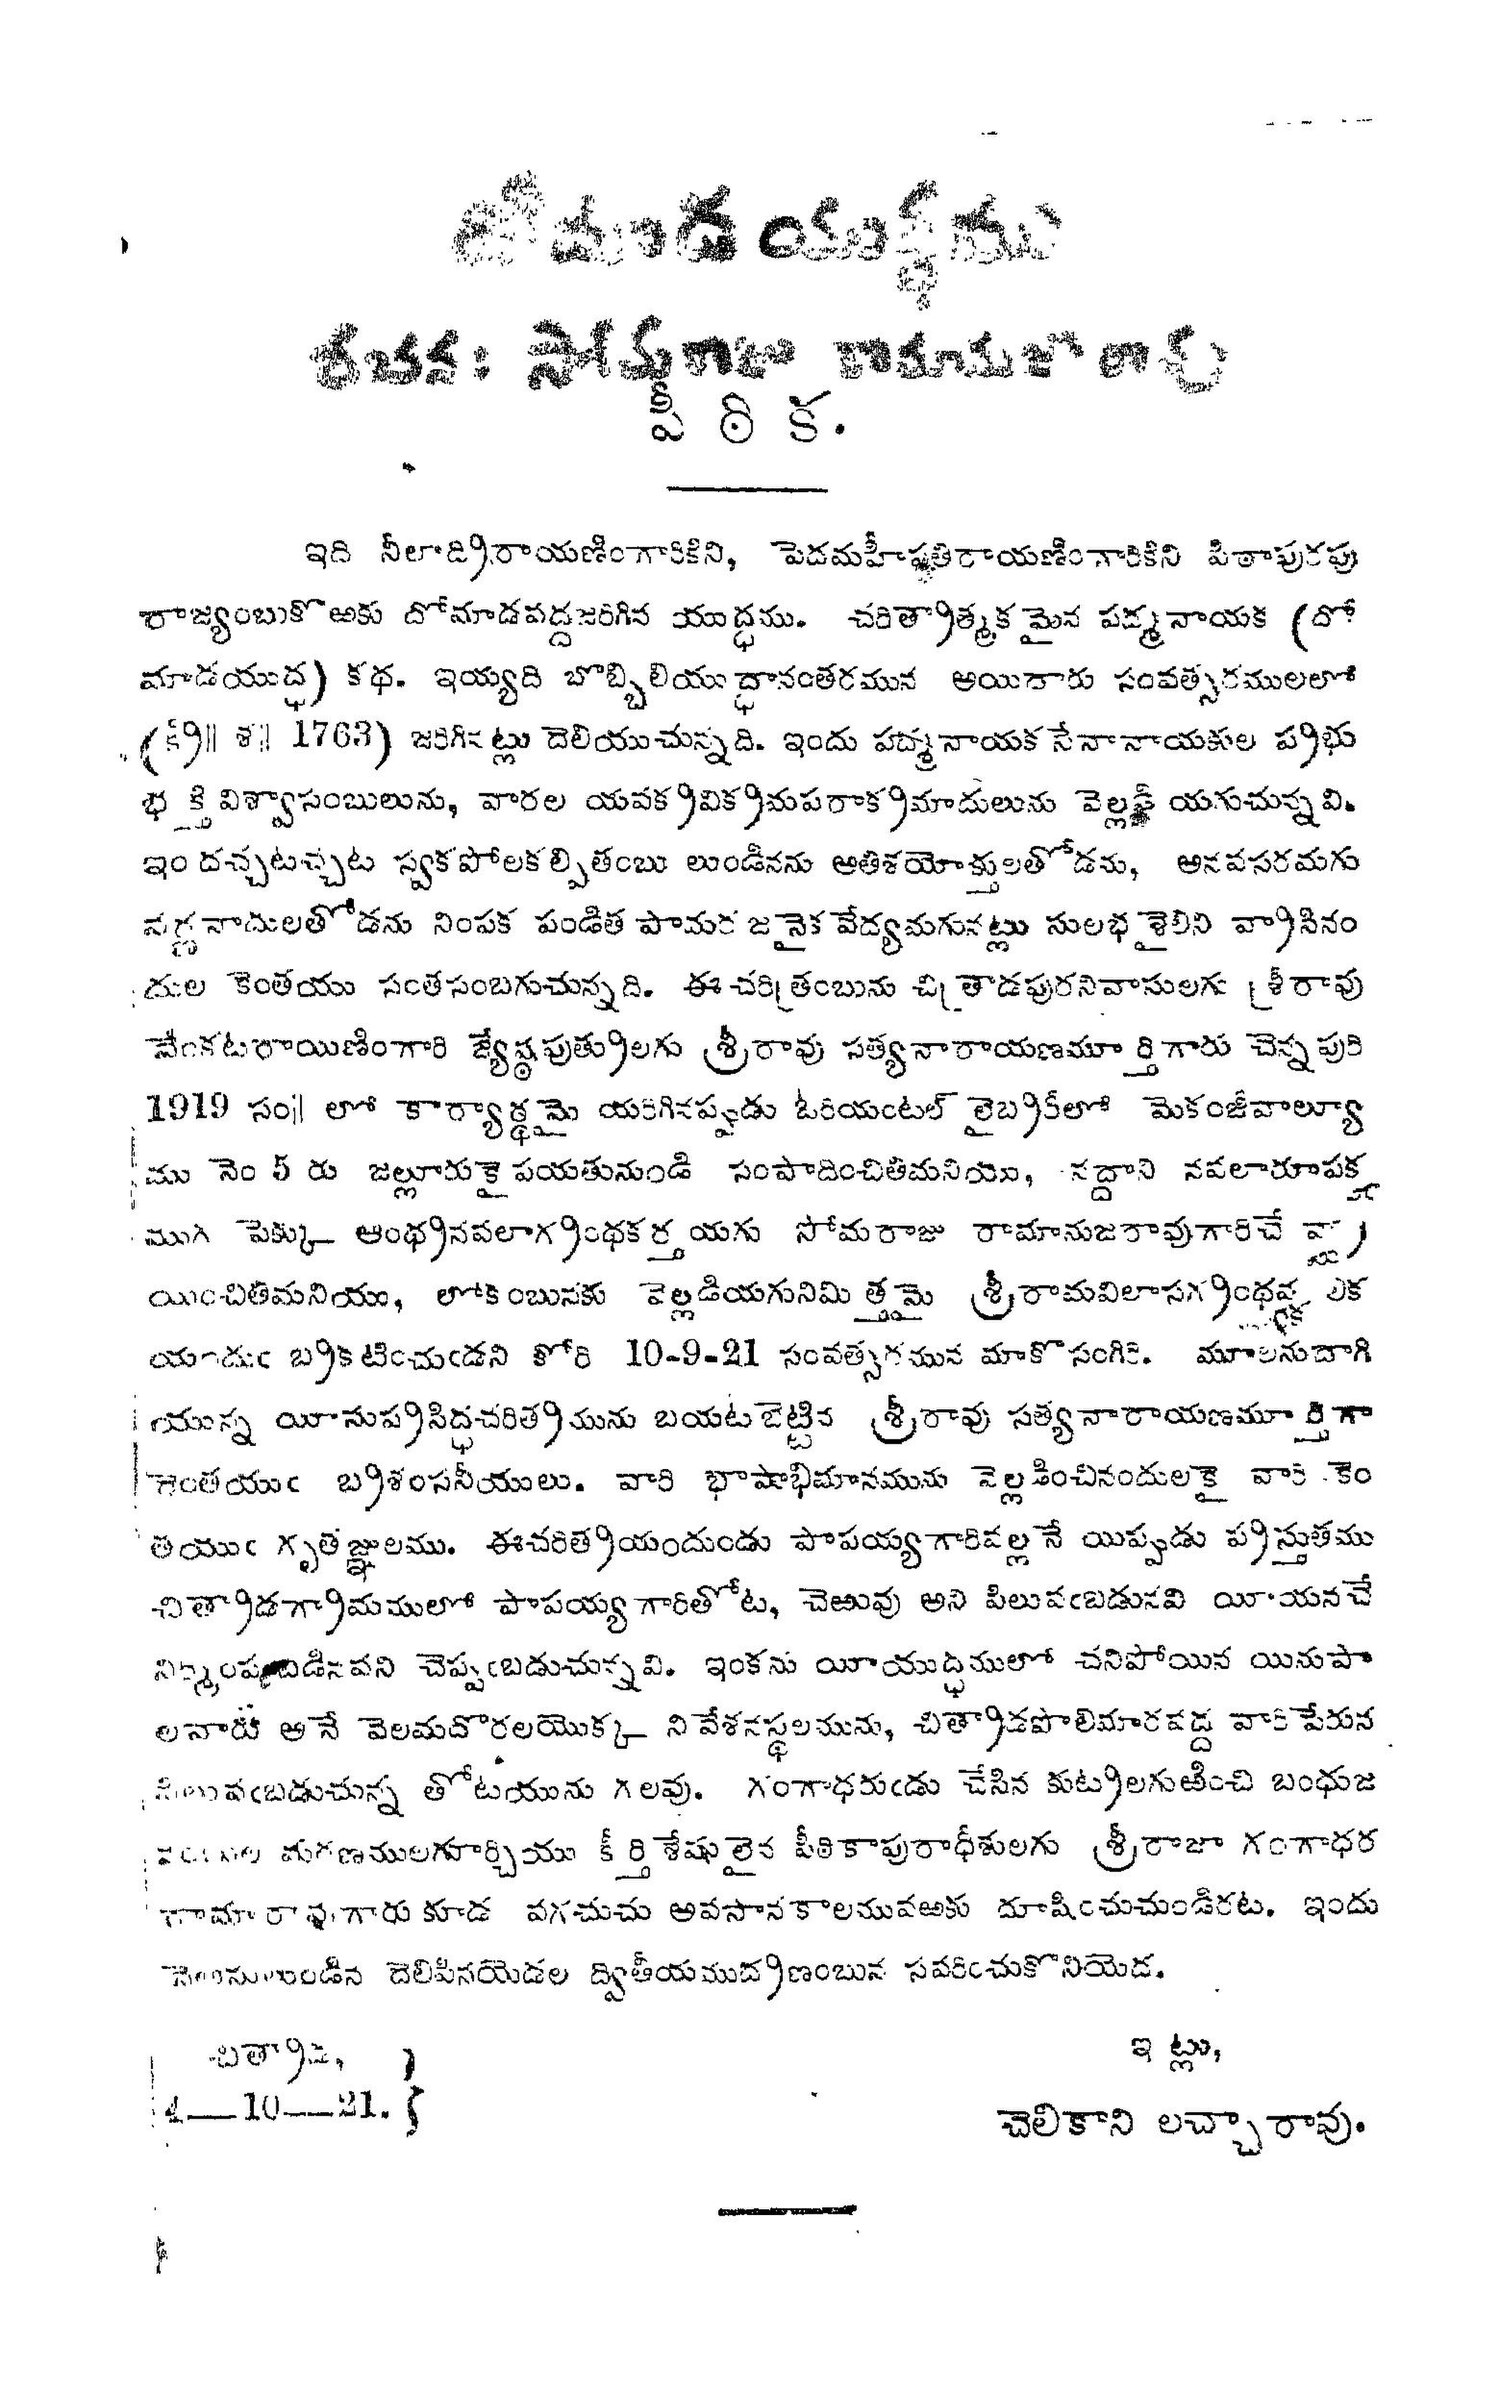దోమాడ యుద్ధము
రచన: సోమరాజు రామానుజరావు
పీఠిక

ఇది నీలాద్రిరాయణింగారికిని, పెదమహీపతిరాయణింగారికిని పిఠాపురపురాజ్యంబుకొఱకు దోమాడవద్ద జరిగిన యుద్ధము. చరిత్రాత్మకమైన పద్మనాయక (దోమాడయుద్ధ) కథ. ఇయ్యది బొబ్బిలియుద్ధానంతరమున అయిదారుసంవత్సరములలో (క్రీ॥ శ॥ 1763) జరిగినట్లు దెలియుచున్నది. ఇందు పద్మనాయక సేనానాయకుల ప్రభుభక్తివిశ్వాసంబులును, వారల యవక్రవిక్రమపరాక్రమాదులును వెల్లడి యగుచున్నవి. ఇం దచ్చటచ్చట స్వకపోలకల్పితంబు లుండినను అతిశయోక్తులతోడను, అనవసరమగు వర్ణనాదులతోడను నింపక పండితపామరజనైకవేద్యమగునట్లు సులభశైలిని వ్రాసినందుల కెంతయు సంతసంబగుచున్నది. ఈచరిత్రంబును చిత్రాడపురనివాసులగు శ్రీరావు వేంకటరాయిణింగారి జ్యేష్ఠపుత్రులగు శ్రీరావు సత్యనారాయణమూర్తి గారు చెన్నపురి 1919 సం॥ లో కార్యార్థమై యరిగినప్పుడు ఓరియంటల్ లైబ్రరీలో మెకంజీ వాల్యూము నెం 5 రు జల్లూరు కైపయతునుండి సంపాదించితిమనియు, నద్దాని నవలారూపకముగ పెక్కు ఆంధ్రనవలాగ్రంథకర్త యగు సోమరాజు రామానుజరావుగారిచే వ్రాయించితిమనియు, లోకంబునకు వెల్లడి యగునిమిత్తమై శ్రీరామవిలాసగ్రంథమాలికయందుఁ బ్రకటించుఁడని కోరి 10-9-21 సంవత్సరమున మా కొసంగిరి. మూలను దాగి యున్న యీసుప్రసిద్ధచరిత్రమును బయటబెట్టిన శ్రీరావు సత్యనారాయణమూర్తిగా రెంతయుఁ బ్రశంసనీయులు. వారి భాషాభిమానమును వెల్లడించినందులకై వారి కెంతయుఁ గృతజ్ఞులము. ఈచరిత్రయం దుండు పాపయ్యగారివల్లనే యిప్పుడు ప్రస్తుతము చిత్రాడ గ్రామములో పాపయ్యగారితోట, చెఱువు అని పిలువఁబడునవి యీయనచే నిర్మింపబడినవని చెప్పఁబడుచున్నవి. ఇంకను యీయుద్ధములో చనిపోయిన యినుపాలవారు అనే వెలమదొరలయొక్క నివేశసస్థలమును, చిత్రాడ పొలిమారవద్ద వారిపేరున పిలువఁబడుచున్న తోటయును గలవు. గంగాధరుఁడు చేసిన కుట్రలగుఱించి బంధుజనంబుల మరణములగూర్చియు కీర్తిశేషులైన పీఠికాపురాధీశులగు శ్రీ రాజా గంగాధర రామారావుగారు కూడ వగచుచు అవసానకాలమువఱకు దూషించుచుండిరట. ఇందు నెలుసులుండిన దెలిపినయెడల ద్వితీయముద్రణంబున సవరించుకొనియెద.